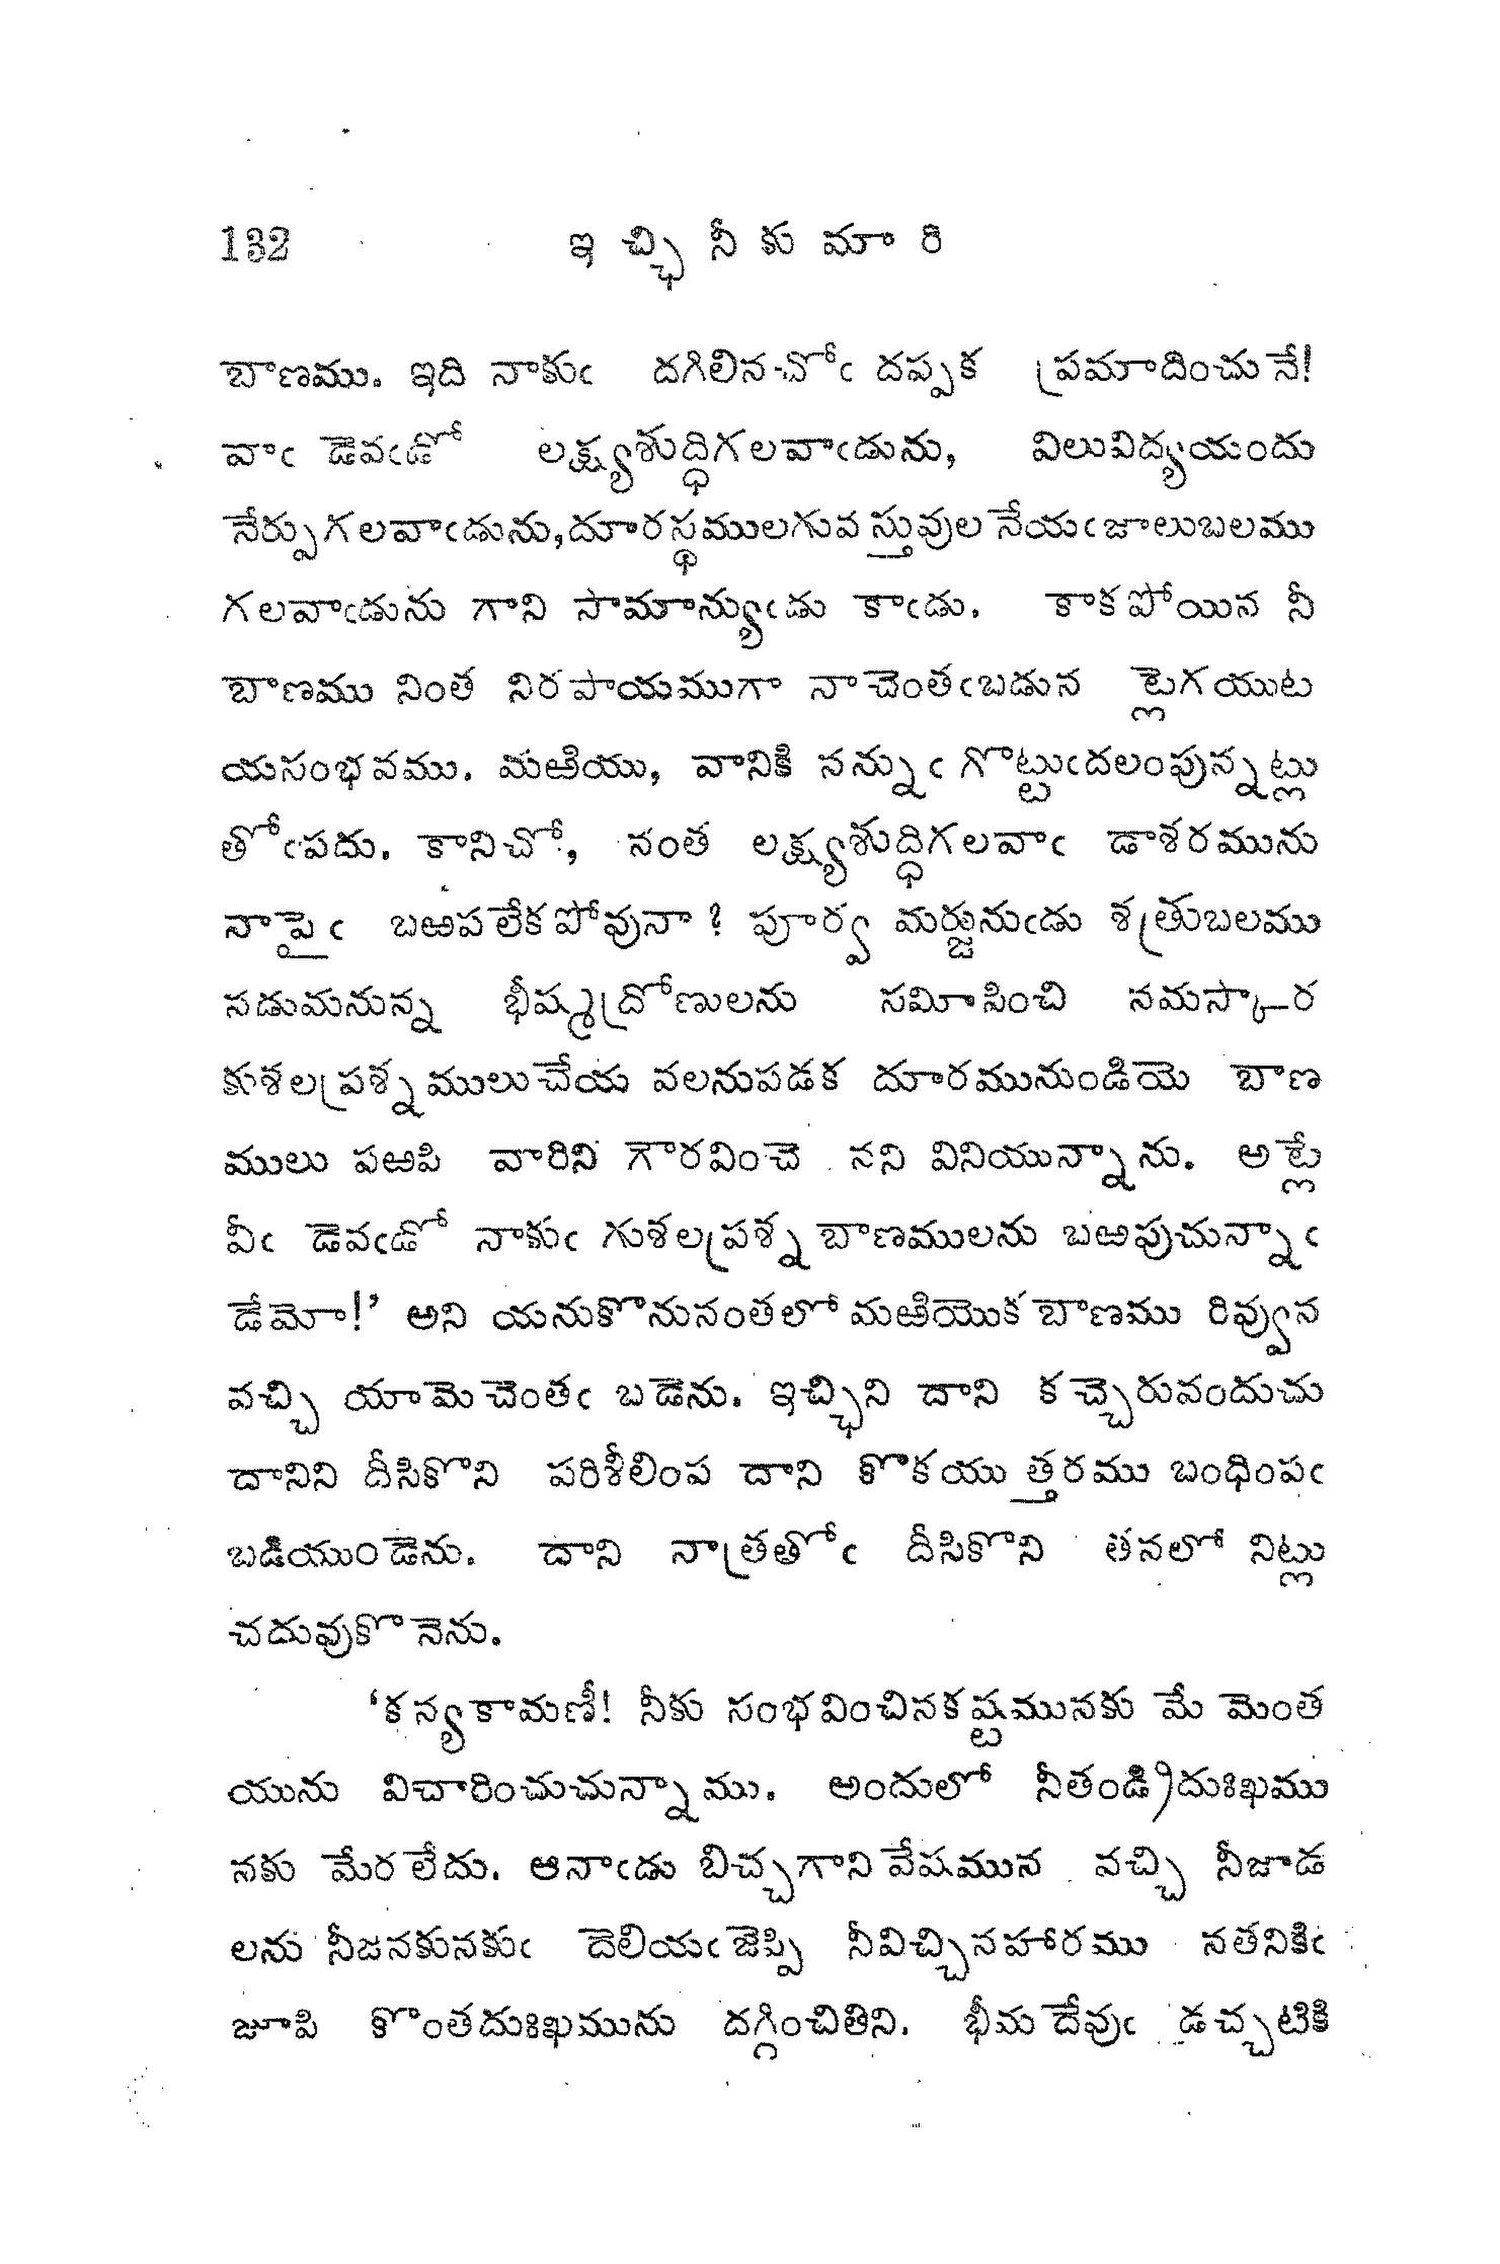టెగయుట
బాణము. ఇది నాకుఁ దగిలిన చోఁ దప్పక ప్రమాదించునే!
వాడెవఁడో లక్ష్యశుద్ధిగలవాడును, విలువిద్యయందు
నేర్పుగలవాఁడును, దూరస్థములగువ స్తువుల నేయఁ జాలుబలము
గలవాఁడును గాని సామాన్యుడు కాఁడు,కాక పోయిన నీ 
బాణము నింత నిరపాయముగా నా చెంతఁబడున ట్లెగయుట.
యసంభవము. మఱియు, వానికి నన్నుఁ గొట్టుఁదలం పున్నట్లు
తోఁపదు. కానిచో, నంత లక్ష్యశుద్ధిగలవాఁ డాశరమును
నాపైఁ బఱప లేక పోవునా ! పూర్వ మర్జునుఁడు శత్రుబలము
సడుమనున్న భీష్మ ద్రోణులను సమీపించి నమస్కార
కుశలప్రశ్నములు చేయ వలను పడక దూరమునుండి యె బాణ
ములు పఱపి వారిని గౌరవించె . నని వినియున్నాను. అట్లే
వీఁ డెవఁడో నాశుఁ గుశలప్రశ్న బాణములను బఱపుచున్నా
డేమో!' అని యనుకొనునంతలో మఱియొక బాణము రివ్వున
వచ్చి యామె చెంతఁ బడెను. ఇచ్చిని దాని కచ్చెరువందుచు
దానిని దీసికొని పరిశీలింప దాని కొక యుత్తరము బంధింపఁ
బడియుండెను. దాని నాత్రతో దీసికొని తనలో నిట్లు
చదువుకొనెను.

'కన్యకామణీ! నీకు సంభవించిన కష్టమునకు మే మెంత
యును విచారించుచున్నాము. అందులో నీతండ్రి దుఃఖము
నకు 'మేర లేదు. ఆనాఁడు బిచ్చగాని వేషమున , వచ్చి నీజాడ
లను నీజనకునకుఁ దెలియఁ జెప్పి నీవిచ్చినహారము నతనికి
జూపి కొంతదుఃఖమును దగ్గించితిని. భీమ దేవుఁ డచ్చటికి